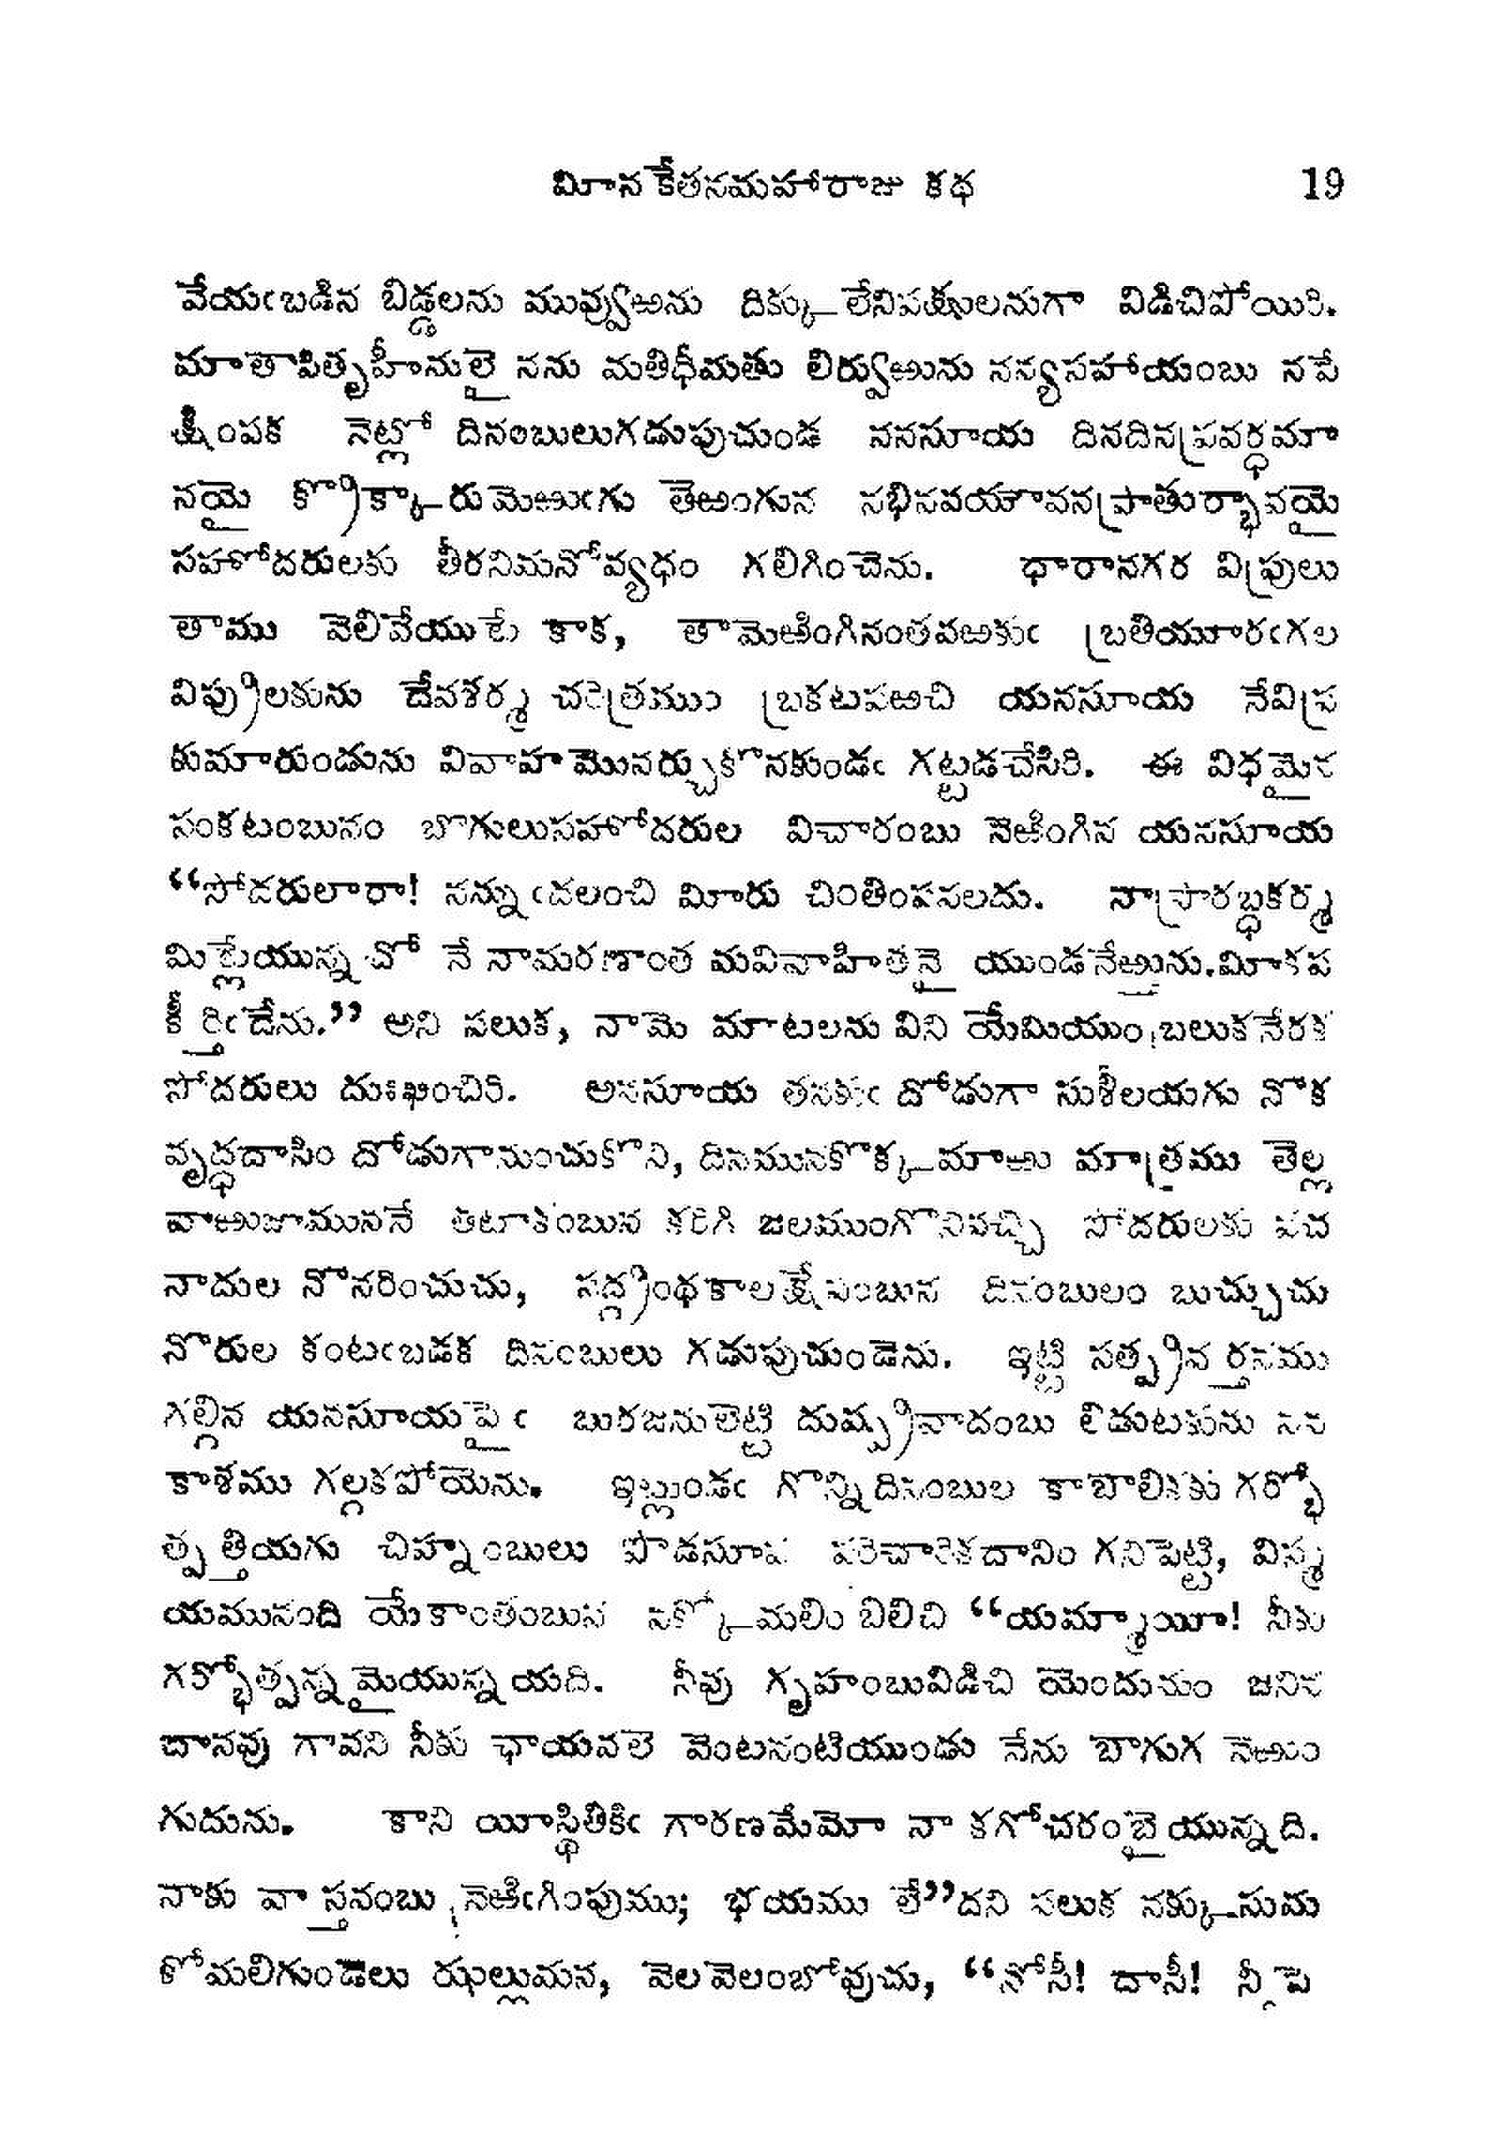వేయఁబడిన బిడ్డలను మువ్వుఱను దిక్కు లేనిపక్షులనుగా విడిచిపోయిరి. మాతాపితృహీనులై నను మతిధీమతు లిర్వుఱును నన్యసహాయంబు నపేక్షింపక నెట్లో దినంబులు గడుపుచుండ ననసూయ దినదిన ప్రవర్ధమానయై క్రోక్కారు మెఱుఁగు తెఱంగున నభినవయౌవనప్రాతుర్భావయై సహోదరులకు తీరనిమనోవ్యధం గలిగించెను. ధారానగర విప్రులు తాము వెలివేయుటే కాక, తామెఱింగినంతవఱకుఁ బ్రతియూరఁగల విప్రులకును దేవశర్మ చరిత్రముం బ్రకటపఱచి యనసూయ నేవిప్రకుమారుండును వివాహమొనర్చుకకొనకుండఁ గట్టడ చేసిరి. ఈ విధమైన సంకటంబునం బొగులు సహోదరుల విచారంబు నెఱింగిన యనసూయ “సోదరులారా! నన్నుఁదలంచి మీరు చింతింపవలదు. నా ప్రారబ్ధకర్మ మిట్లేయున్నచో నే నామరణాంత మవివాహితనై యుండ నేఱ్తును. మీకప కీర్తిఁదేను." అని పలుక, నామె మాటలను విని యేమియుం, బలుక నేరక సోదరులు దుఃఖించిరి. అనసూయ తనకుఁ దోడుగా సుశీలయగు నొక వృద్ధదాసీం దోడుగా నుంచుకొని, దినమున కొక్కమాఱు మాత్రము తెల్లవాఱుజూముననే తటాకంబున కరిగి జలముంగొని వచ్చి సోదరులకు వచనాదుల నొనరించుచు, సద్గ్రంధ కాల క్షేమంబున దినంబులం బుచ్చుచు నొరుల కంటఁబడక దినంబులు గడుపుచుండెను. ఇట్టి సత్ప్రవర్తనము
గల్గిన యనసూయ పైఁ బురజను లెట్టి దుష్ప్ర వాదంబు లిడుటకును నవకాశము గల్గకపోయెను. ఇట్లుండఁ గొన్ని దినంబుల కాబాలికకు గర్బోత్పత్తియగు చిహ్నంబులు పొడసూప పరిచారిక దానిం గనిపెట్టి, విస్మయమునంది యేకాంతంబున నక్కోమలిం బిలిచి "యమ్మాయీ! నీకు గర్భోత్పన్న మైయున్న యది. నీవు గృహంబువిడిచి యెందునుం జనిన దానవు గావని నీకు ఛాయవలె వెంటనంటియుండు నేను బాగుగ నేఱుంగుదును. కాని యీస్థితికిఁ గారణమేమో నా కగోచరం బై యున్నది.
నాకు వాస్తవంబు నెఱిఁగింపుము; భయము లే"దని పలుక నక్కుసుమ కోమలిగుండెలు ఝల్లుమన, వెలవెలంబోవుచు, “నోసీ! దాసీ! నీపై